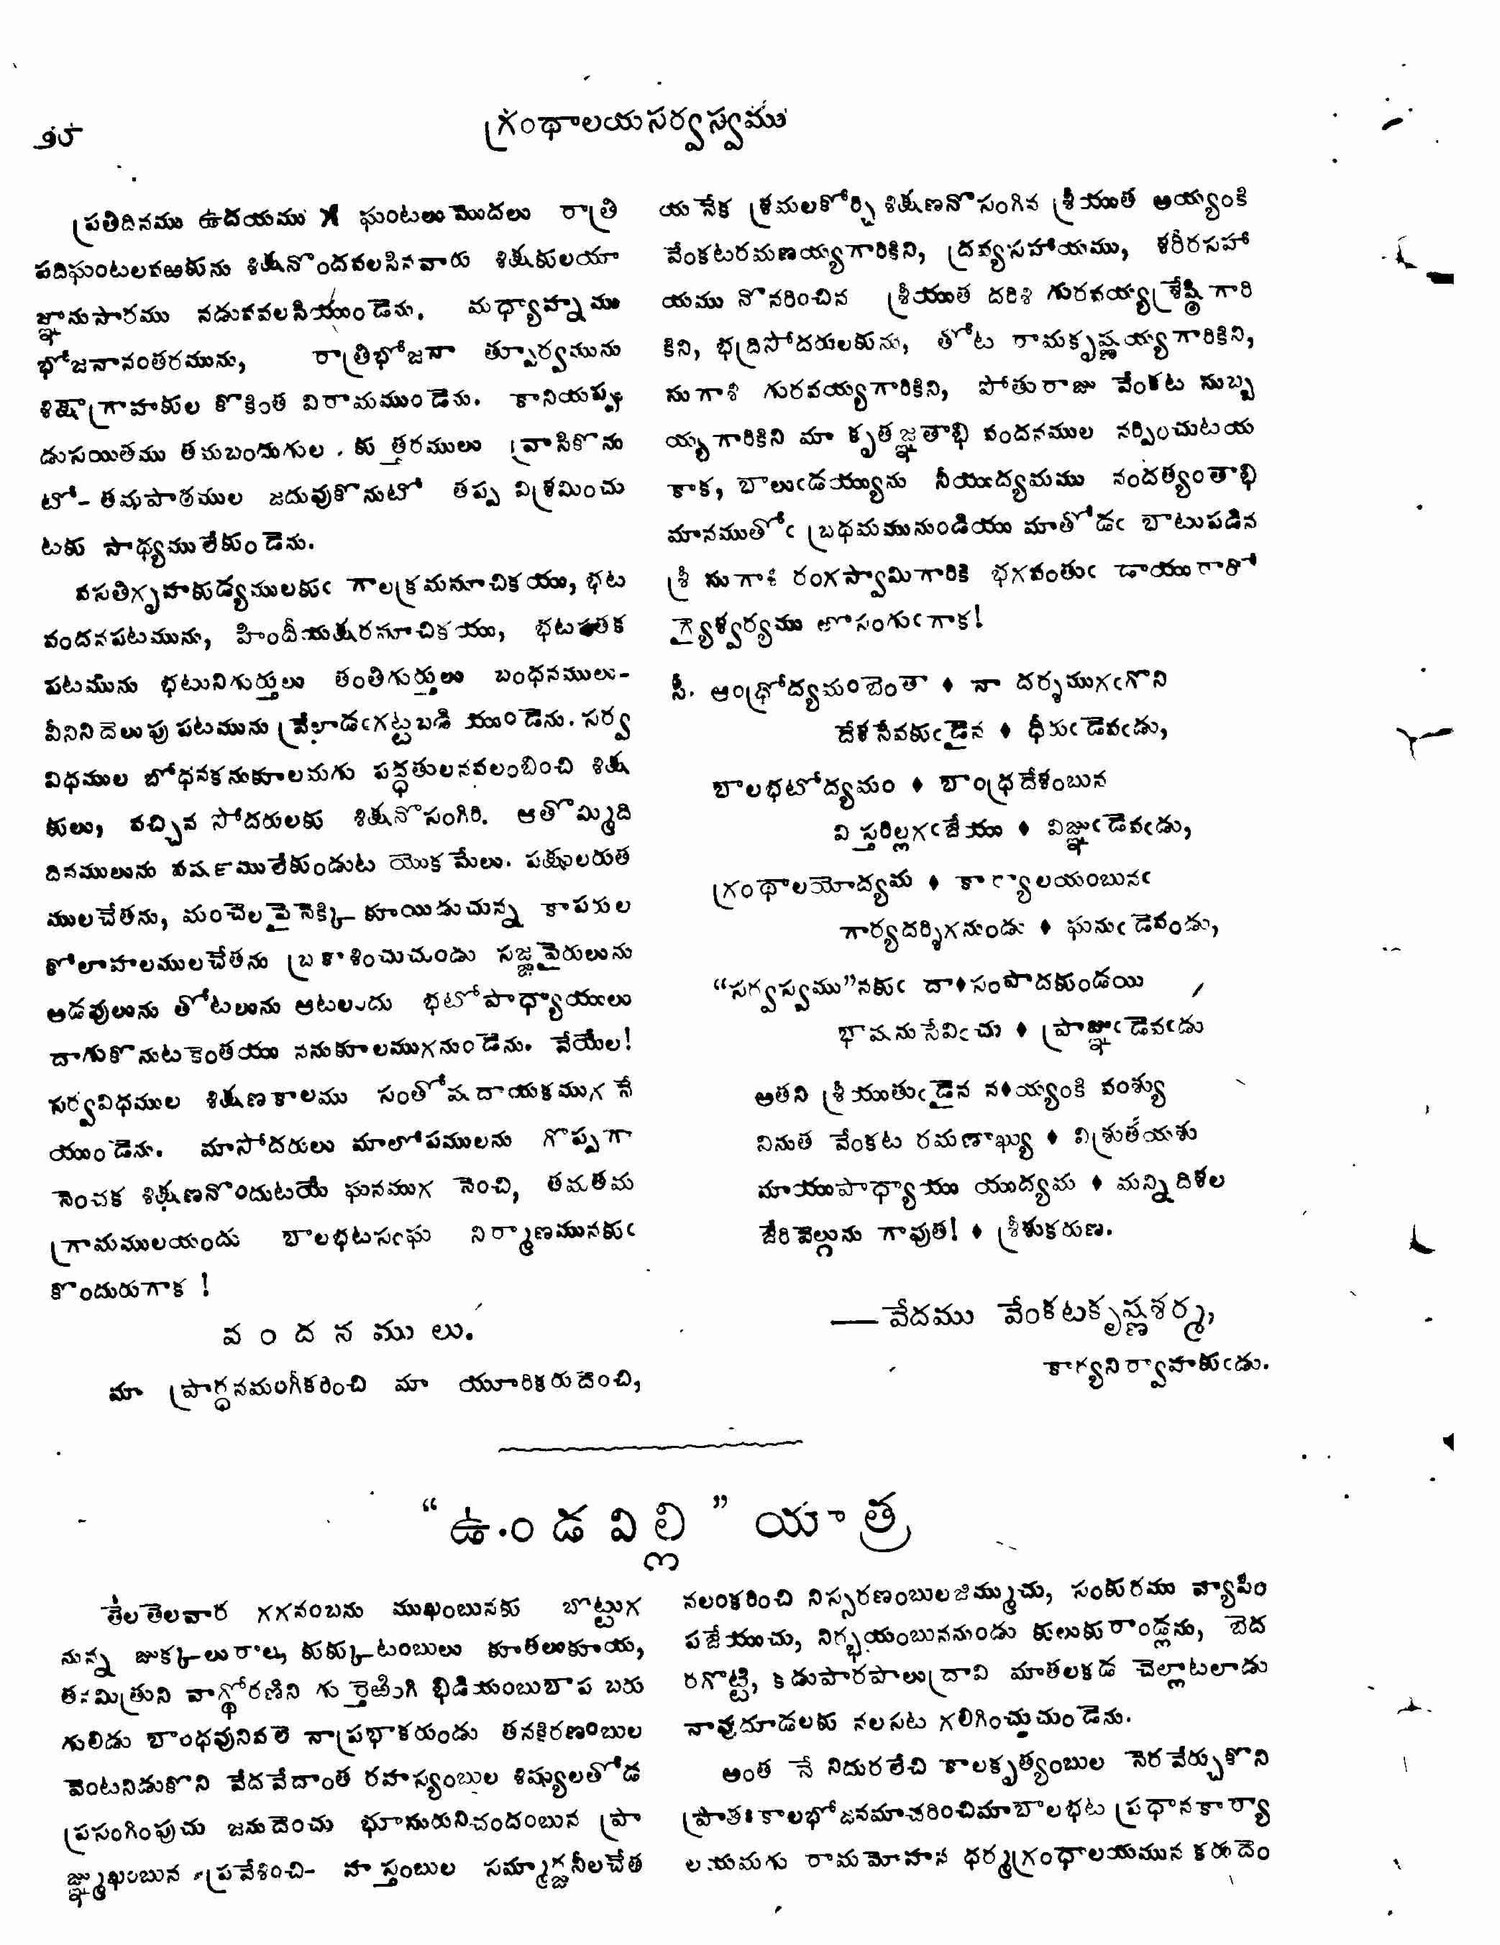ప్రతిదినము ఉదయము ౫ ఘంటలు మొదలు రాత్రి పదిఘంటలవఱకును శిక్షనొందవలసినవారు శిక్షకులయాజ్ఞానుసారము నడువవలసియుండెను. మధ్యాహ్నము భోజనానంతరమును, రాత్రి భోజనా త్పూర్వమును శిక్షాగ్రాహకుల కొకింత విరామముండెను. కాని యప్పుడుసయితము తమ బందుగులకుత్తరములు వ్రాసికొనుటో- తమపాఠముల జదువుకొనుటో తప్ప విశ్రమించుటకు సాధ్యము
లేకుండెను.

వసతిగృహకుడ్యములకుఁ గాలక్రమసూచికయు, భటవందనపటమును, హిందీయక్షరసూచికము, భటపతక పటమును భటునిగుర్తులు తంతిగుర్తులు బంధనములు - వీనిని దెలుపు పటమును వ్రేలాడఁగట్టబడి యుండెను. సర్వవిధముల బోధనకనుకూలమగు పద్ధతులనవలంబించి శిక్షకులు, వచ్చిన సోదరులకు శిక్షనొసంగిరి. ఆతొమ్మిది దినములును వేషము లేకుండుట యొకమేలు. పక్షులరుత
ములచేతను, మంచెలపైనెక్కి కూయిడుచున్న కాపరుల కోలాహలములచేతను బ్రకాశించుచుండు సజ్ఞ పైరులును అడవులను తోటలును ఆటలందు భటోపాధ్యాయులు దాగుకొనుట కెంతయు ననుకూలముగ నుండెను. వేయేల! సర్వవిధముల శిక్షణకాలము సంతోషదాయకముగనే యుండెను. మాసోదరులు మాలోపములను గొప్పగా సెంచక శిక్షణనొందుటయే ఘనముగ నెంచి, తమతమ గ్రామములయందు బాలభటసంఘ నిర్మాణమునకుఁ కొందురుగాక !

మా ప్రార్ధనమంగీకరించి మా యూరికరుదించి, యనేక శ్రమల కోర్చి శిక్షణనొసంగిన శ్రీయుత అయ్యంకి వేంకటరమణయ్యగారికిని, ద్రవ్యసహాయము, శరీరసహాయము నొనరించిన శ్రీయుత దరిశి గురవయ్య శ్రేష్ఠిగారికిని, భద్రిసోదరులకును, తోట రామకృష్ణయ్య గారికిని,
సుగాశీ గురవయ్యగారికిని, పోతురాజు వేంకట సుబ్బయ్యగారికిని మా కృతజ్ఞతాభి వందనముల నర్పించుటయ కాక, బాలుఁడయ్యును నీయద్యమము నందత్యంతాభిమానముతోఁ బ్రధమమునుండియు మాతోడఁ బాటుపడిన శ్రీ సుగాశి రంగస్వామిగారికి భగవంతుఁ 
డాయురారోగైశ్వర్యము లొసంగుఁ గాక!
సీ. ఆంధ్రోద్యమంబెంతా ♦ నా దర్శముగఁగొని
దేశ సేవకుఁడైన ♦ ధీరుఁ డెవఁడు,
బాలభటోద్యమం ♦ బాంధ్ర దేశంబున
విస్తరిల్లగఁజేయు ♦ విజ్ఞుఁ డెవఁడు,
గ్రంథాలయోద్యమ ♦ కార్యాలయంబునఁ
గార్యదర్శిగనుండు ♦ ఘనుఁడెవండు,
“సర్వస్వము”నకుఁ దా ♦ సంపాదకుండయి
భాషను సేవించు ♦ ప్రాజ్ఞుఁడెవఁడు
అతని శ్రీయుతుఁడైన న ♦ య్యంకి వంశ్యు
వినుత వేంకట రమణాఖ్యు ♦ విశ్రుతయశు
మాయుపాధ్యాయు యుద్యమ ♦ మన్నిదిశల
జేరివెల్గు గావుత! ♦ శ్రీశుకరుణ.